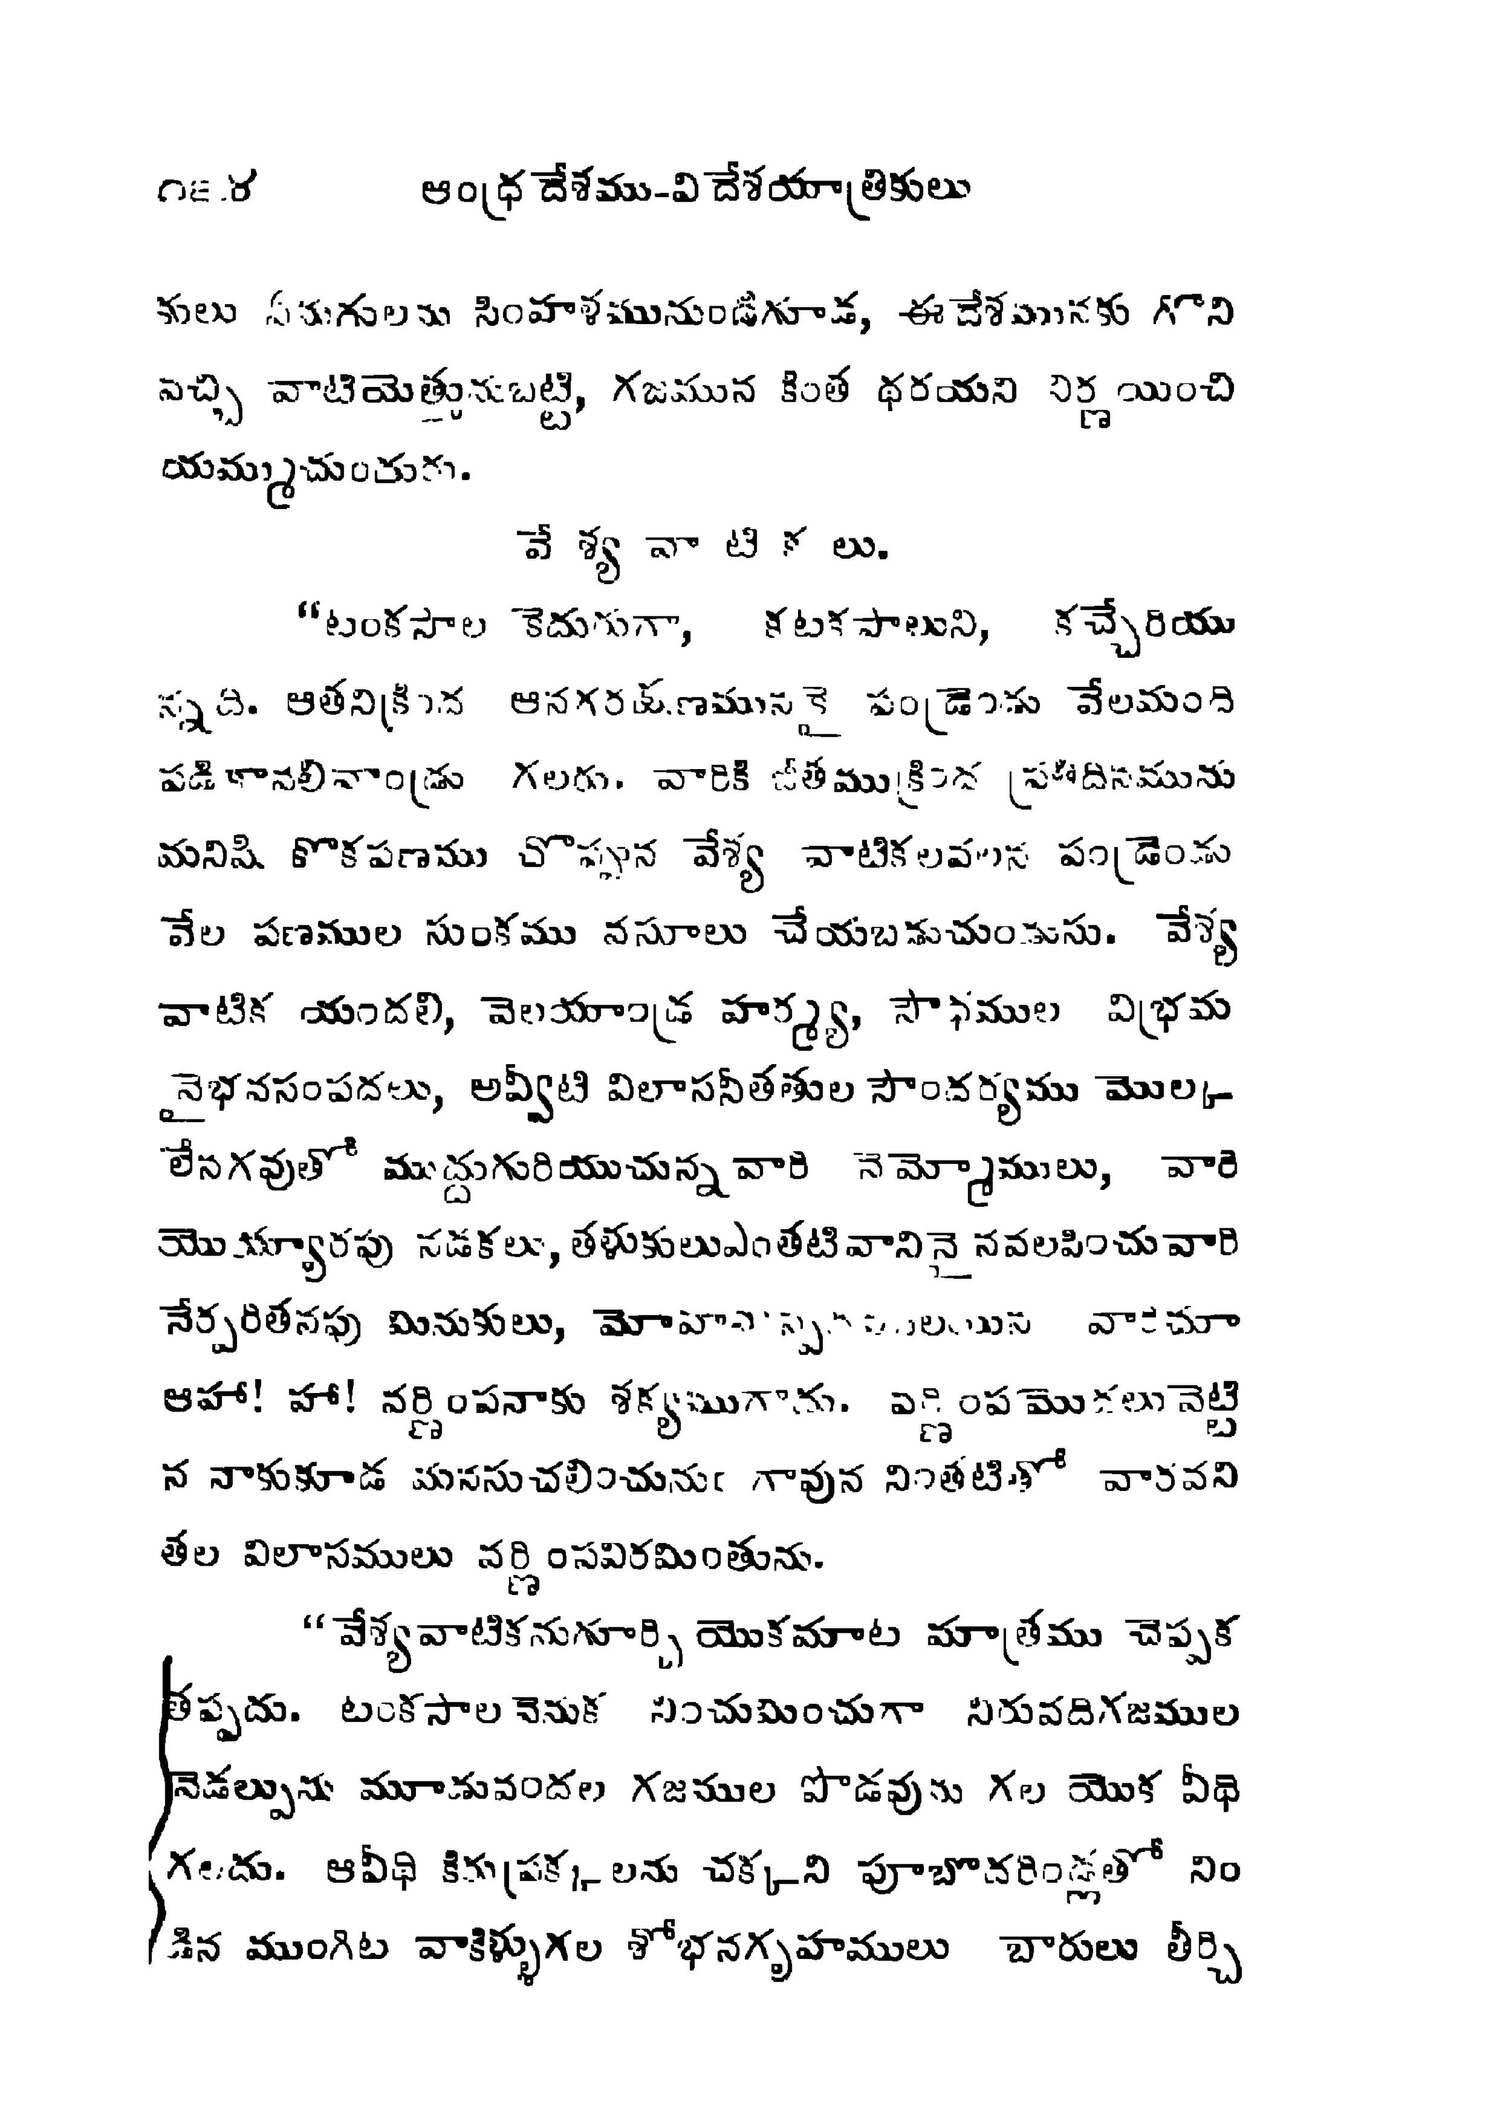కులు ఏనుగులను సింహళమునుండి గూడ, ఈదేశమునకు గొనివచ్చి వాటియెత్తును బట్టి, గజమున కింత థరయని నిర్ణయించి యమ్ముచుందురు.

"టంకసాల కెదురుగా, కటక పాలుని, కచ్చేరి యున్నది. ఆతని క్రింద ఆనగరక్షణమునకై పండ్రెండు వేలమంది పడికావలి వాండ్రు గలరు. వారికి జీతము క్రింద ప్రతిదినమును మనిషి కొకపణము చొప్పున వేశ్య వాటికల వలన పండ్రెండు వేల పణముల సుంకము వసూలు చేయ బడుచుండును. వేశ్యవాటిక యందలి, వెలయాండ్ర హర్మ్య, సౌధముల విభ్రమ వైభవ సంపదలు, అవ్వీటి విలాసనీతతుల సౌందర్యము మొల్కలేనగవుతో ముద్దుగురియు చున్నవారి నెమ్మోములు, వారి యొయ్యారపు నడకలు, తళుకులు ఎంతటివానినైన వలపించువారి నేర్పరితనపు మినుకులు, మోహనాస్పదములయిన వారి చూపులు ఆహా! హా! వర్ణింపనాకు శక్యముగాదు. వర్ణింప మొదలు వెట్టిన నాకుకూడ మనసు చలించును గావున నింతటితో వారవనితుల విలాసములు వర్ణింప విరమింతును.

"వేశ్యవాటికనుగూర్చి యొకమాట మాత్రము చెప్పక తప్పదు. టంకసాల వెనుక నించుమించుగా నిరువదిగజముల వెడల్పును మూడువందల గజముల పొడవును గల యొక వీధిగలదు. ఆవీథి కిరుప్రక్కలను చక్కని పూబొదరిండ్లతో నిండిన ముంగిట వాకిళ్ళుగల శోభనగృహములు బారులు తీర్చి